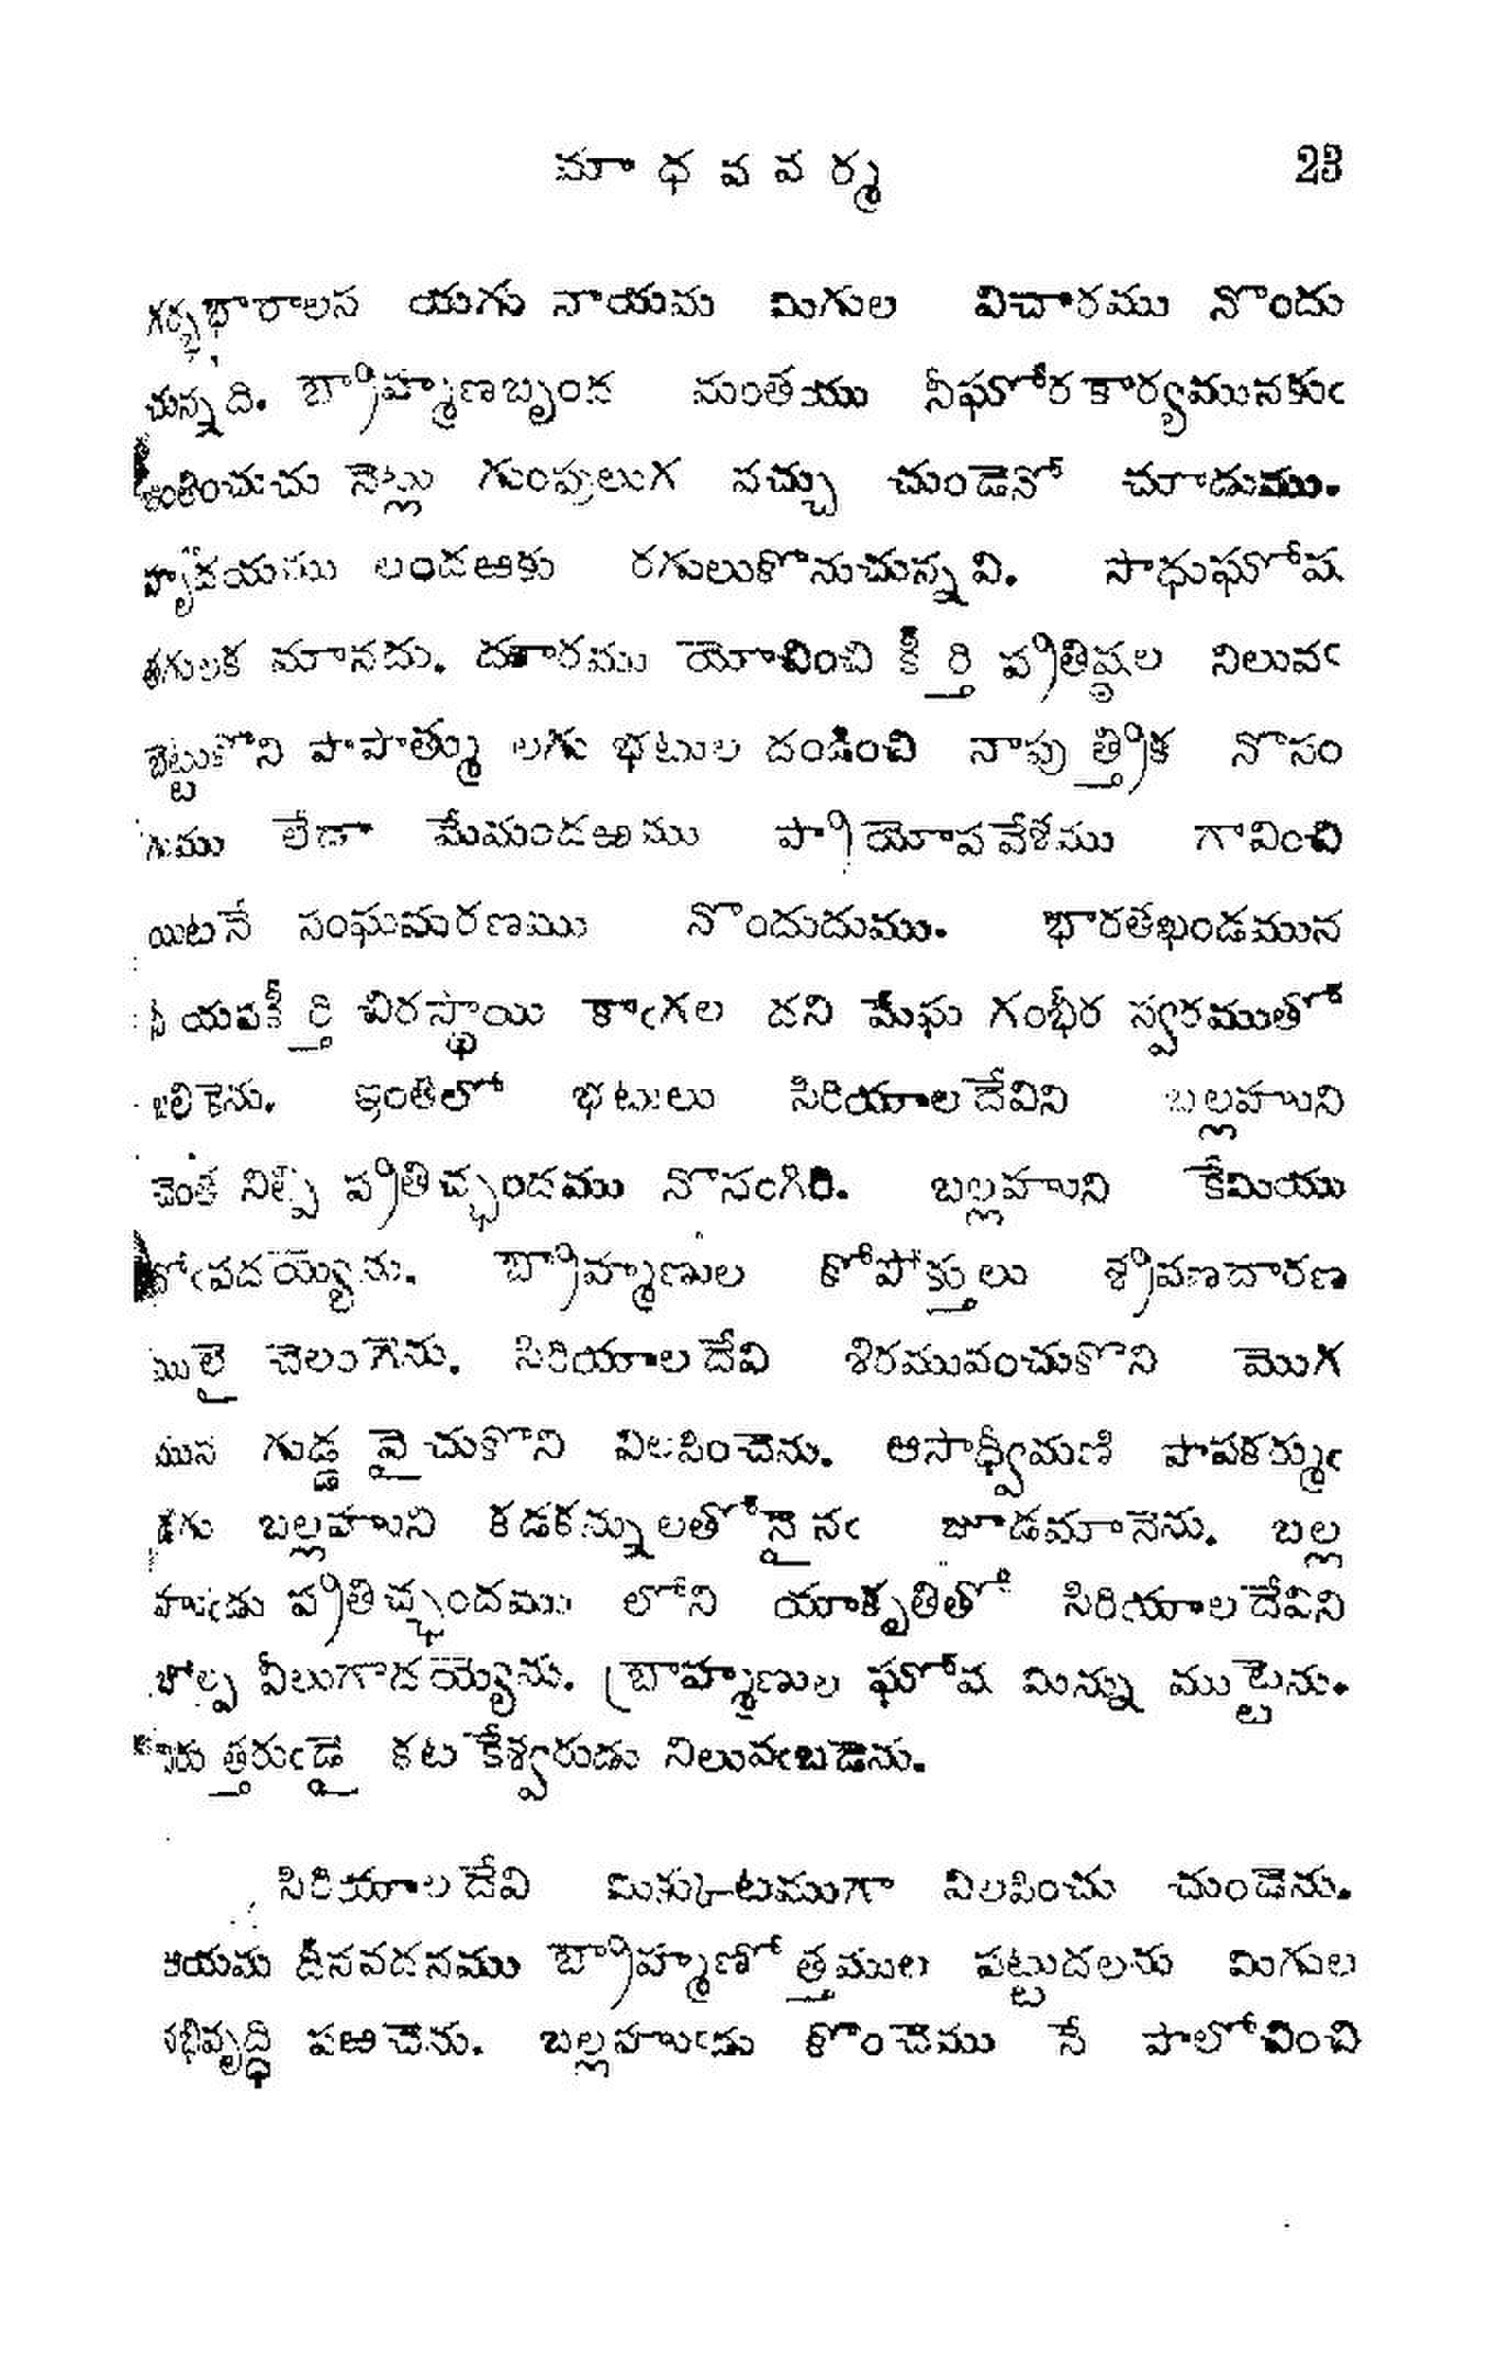గర్భభారాలస యగు నాయమ మిగుల విచారము నొందుచున్నది. బ్రాహ్మణబృంద మంతయు నీఘోరకార్యమునకు చింతించుచు నెట్లు గుంపులుగ వచ్చు చుండెనో చూడుము. హృదయము లందఱకు రగులుకొనుచున్నవి. సాధుఘోష తగులక మానదు. దూరము యోచించి కీర్తి ప్రతిష్ఠల నిలువ బెట్టుకొని పాపాత్ము లగు భటుల దండించి నాపుత్రిక నొసంగుము లేదా మేమందఱము ప్రాయోపవేశము గావించి యిటనే సంఘమరణము నొందుదుము. భారతఖండమున నీ యపకీర్తి చిరస్థాయి కాగల దని మేఘ గంభీర స్వరముతో బలికెను. ఇంతలో భటులు సిరియాలదేవిని బల్లహుని చెంత నిల్పి ప్రతిచ్ఛందము నొసంగిరి. బల్లహుని కేమియు దోపదయ్యెను. బ్రాహ్మణుల కోపోక్తులు శ్రవణదారణములై చెలంగెను. సిరియాలదేవి శిరమువంచుకొని మొగమున గుడ్డ వైచుకొని విలపించెను. ఆసాధ్వీమణి పాపకర్ముడగు బల్లహుని కడకన్నులతోనైన జూడమానెను. బల్లహుడు ప్రతిచ్ఛందము లోని యాకృతితో సిరియాలదేవిని బోల్ప వీలుగాదయ్యెను. బ్రాహ్మణుల ఘోష మిన్ను ముట్టెను. యత్తరుడై కటకేశ్వరుడు నిలువబడెను.

సిరియాలదేవి మిక్కుటముగా విలపించు చుండెను. ఆయమ దీనవదనము బ్రాహ్మణోత్తముల పట్టుదలను మిగుల నభివృద్ధి పఱచెను. బల్లహుడు కొంచెము సే పాలోచించి